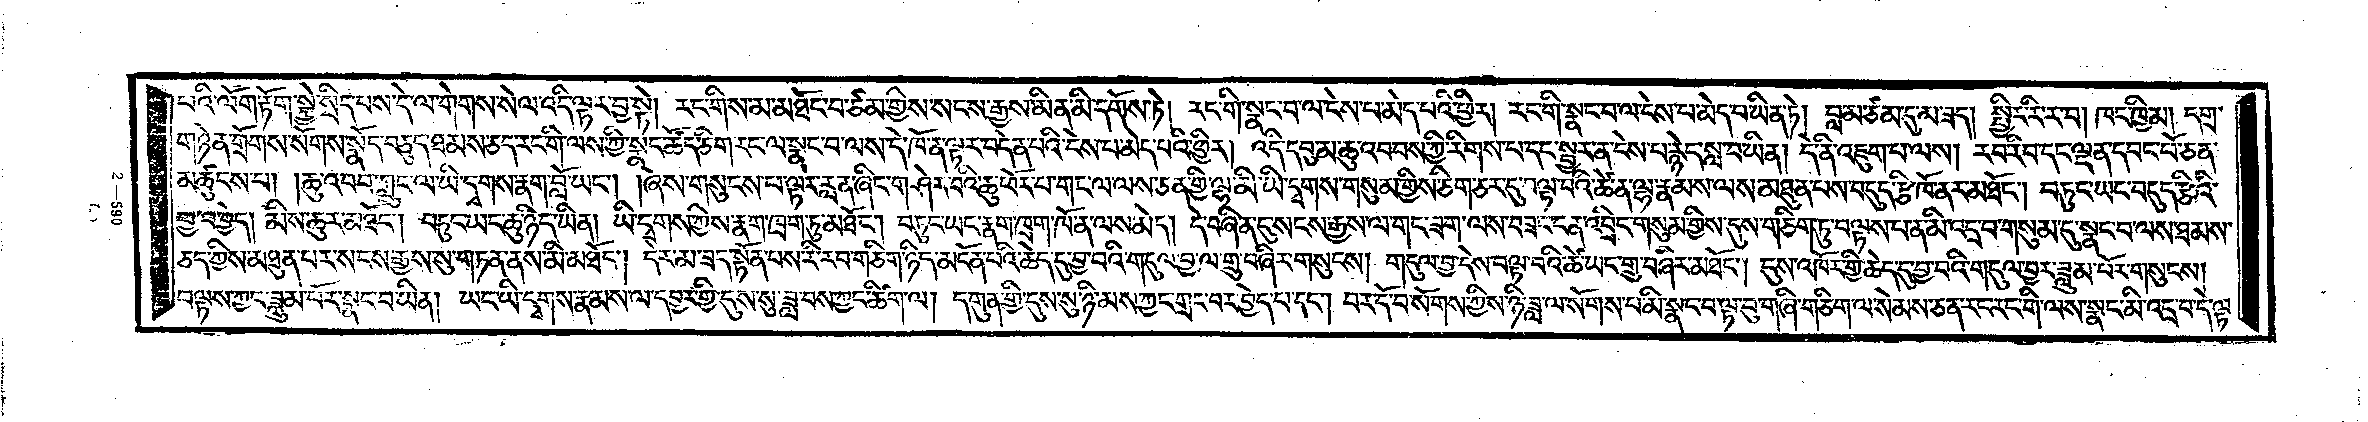པའི་ལོག་རྟོག་སྐྱེ་སྲིད་པས་དེ་ལ་གེགས་སེལ་འདི་ལྟར་བྱ་སྟེ། རང་གིས་མ་མཐོང་བ་ཙམ་གྱིས་སངས་རྒྱས་མིན་མི་དགོས་ཏེ། རང་གི་སྣང་བ་ལ་ངེས་པ་མེད་པའི་ཕྱིར། རང་གི་སྣང་བ་ལ་ངེས་པ་མེད་པ་ཡིན་ཏེ། བླ་མ་ཙམ་དུ་མ་ཟད། སྤྱིར་རི་ར་བ། ཁང་ཁྱིམ། དགྲ་
གཉེན་གྲོགས་སོགས་སྣོད་བཅུད་ཐམས་ཅད་རང་གི་ལས་ཀྱི་སྣང་ཚོད་ཅིག་རང་ལ་སྣང་བ་ལས་དེ་ཁོ་ན་ལྟར་བདེན་པའི་ངེས་པ་མེད་པའི་ཕྱིར། འདི་དབུ་མ་ཆུ་འབབས་ཀྱི་རིགས་པ་དང་སྦྱར་ན་ངེས་པ་རྙེད་སླ་བ་ཡིན། དེ་ནི་འཇུག་པ་ལས། རབ་རིབ་དང་ལྡན་དབང་པོ་ཅན་
མཚུངས་པ། །ཆུ་འབབ་ཀླུང་ལ་ཡི་དྭགས་རྣག་བློ་ཡང་། །ཞེས་གསུངས་པ་ལྟར་རླན་ཞིང་གཤེར་བའི་ཆུ་ཕོར་པ་གང་ལ་ལས་ཅན་གྱི་ལྷ་མི་ཡི་དྭགས་གསུམ་གྱིས་ཅིག་ཅར་དུ་བལྟ་བའི་ཚེ་ན་ལྷ་རྣམས་ལས་མཐུན་པས་བདུད་རྩི་ཁོ་ནར་མཐོང་། བཏུང་ཡང་བདུད་རྩིའི་
བྱ་བ་བྱེད། མིས་ཆུར་མཐོང་། བཏུང་ཡང་ཆུ་ཉིད་ཡིན། ཡི་དྭགས་ཀྱིས་རྣག་ཁྲག་ཏུ་མཐོང་། བཏུང་ཡང་རྣག་ཁྲག་ཁོ་ན་ལས་མེད། དེ་བཞིན་དུ་སངས་རྒྱས་ལ་གང་ཟག་ལས་བཟང་ངན་འབྲིང་གསུམ་གྱིས་དུས་གཅིག་ཏུ་བལྟས་པ་ན་མི་འདྲ་བ་གསུམ་དུ་སྣང་བ་ལས་ཐམས་
ཅད་ཀྱིས་མཐུན་པར་སངས་རྒྱས་སུ་གཏན་ནས་མི་མཐོང་། དེར་མ་ཟད་སྟོན་པས་རི་རབ་གཅིག་ཉིད་མངོན་པའི་ཆེད་དུ་བྱ་བའི་གདུལ་བྱ་ལ་གྲུ་བཞིར་གསུངས། གདུལ་བྱ་དེས་བལྟ་བའི་ཚེ་ཡང་གྲུ་བཞིར་མཐོང་། དུས་འཁོར་གྱི་ཆེད་དུ་བྱ་བའི་གདུལ་བྱར་ཟླུམ་པོར་གསུངས།
བལྟས་ཀྱང་ཟླུམ་པོར་སྣང་བ་ཡིན། ཡང་ཡི་དྭགས་རྣམས་ལ་དབྱར་གྱི་དུས་སུ་ཟླ་བས་ཀྱང་ཚིག་ལ། དགུན་གྱི་དུས་སུ་ཉི་མས་ཀྱང་གྲང་བར་བྱེད་པ་དང་། བར་དོ་བ་སོགས་ཀྱིས་ཉི་ཟླ་ལ་སོགས་པ་མི་སྣང་བ་ལྟ་བུ་གཞི་གཅིག་ལ་སེམས་ཅན་རང་རང་གི་ལས་སྣང་མི་འདྲ་བ་དེ་ལྟ་